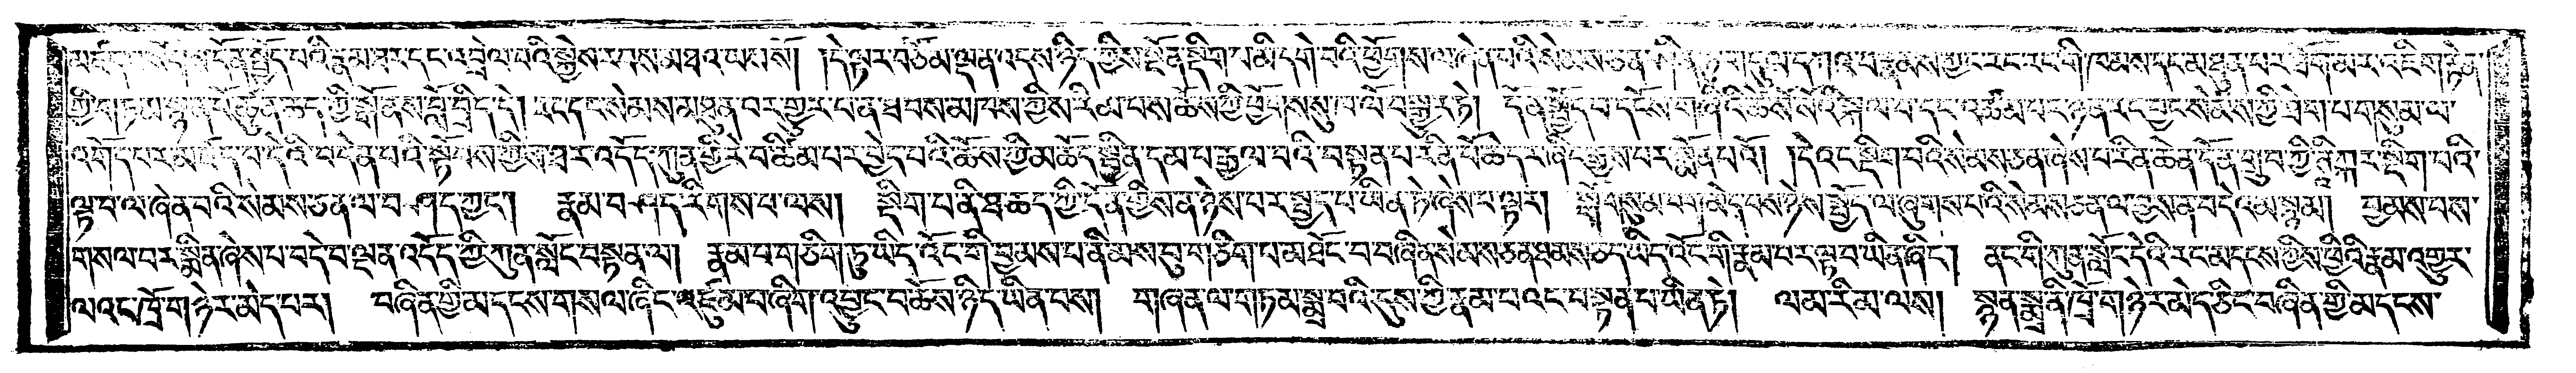མཛད་པ་སོགས་དོན་སྤྱོད་བའི་རྣམ་ཐར་དང་འབྲེལ་བའི་སྐྱེས་རབས་མཐའ་ཡས་སོ། །དེ་ལྟར་བཅོམ་ལྡན་འདས་ཉིད་ཀྱིས་སྔོན་སྡིག་པ་མི་དགེ་བའི་ཕྱོགས་ལ་ཞེན་པའི་སེམས་ཅན་ཤིན་ཏུ་གདུལ་དཀའ་བ་རྣམས་ཀྱང་རང་རང་གི་ཁམས་དང་མཐུན་པར་ཐོག་མར་འཇིག་རྟེན་
གྱི་གཏམ་སྙན་པོ་ཚུན་ཆད་ཀྱི་སྒོ་ནས་བློ་བྲིད་དེ། རང་དང་སེམས་མཐུན་པར་གྱུར་པ་ན་ཐབས་མཁས་ཀྱིས་རིམ་པས་ཆོས་ཀྱི་ཕྱོགས་སུ་ཁ་ལེ་བསྒྱུར་ཏེ། དོན་སྤྱོད་པ་དངོས་གཞིའི་ཚེ་སོ་སོའི་སྐལ་བ་དང་འཚམ་པར་ཉན་རང་བྱང་སེམས་ཀྱི་ཐེག་པ་གསུམ་ལ་
འགོད་པར་མཛད་པ་དེའི་བདེན་པའི་སྟོབས་ཀྱིས་ཐར་འདོད་ཀུན་གྱི་རེ་བ་ཚིམ་པར་བྱེད་པའི་ཆོས་ཀྱི་མཆོད་སྦྱིན་དམ་པ་རྒྱལ་བའི་བསྟན་པ་རིན་པོ་ཆེ་དར་ཞིང་རྒྱས་པར་སྨོན་པའོ། །དེའང་སྡིག་བའི་སེམས་ཅན་ཞེས་པ་རིན་ཆེན་དོན་གྲུབ་ཀྱི་ཏཱིཀྐར་སྡིག་པའི་
ལྟ་བ་ལ་ཞེན་བའི་སེམས་ཅན་ལ་བཤད་ཀྱང་། རྣམ་བཤད་རིགས་པ་ལས། སྡིག་པ་ནི་ཐ་ཆད་ཀྱི་དོན་གྱིས་ན་ཉེས་པར་སྤྱད་པ་ཡིན་ཏེ་ཞེས་པ་ལྟར། སྒོ་གསུམ་བག་མེད་པས་ཉེས་སྤྱོད་ལ་ཞུགས་བའི་སེམས་ཅན་ལ་བྱས་ན་བདེའམ་སྙམ། བྱམས་པས་
གསལ་བར་སྨིན་ཞེས་པ་བདེ་བ་ལྡན་འདོད་ཀྱི་ཀུན་སློང་བསྟན་ལ། རྣམ་བ་གཅིག་ཏུ་ཡིད་འོང་གི་བྱམས་པ་ནི་མས་བུ་གཅིག་པ་མཐོང་བ་བཞིན་སེམས་ཅན་ཐམས་ཅད་ཡིད་འོང་གི་རྣམ་བར་ལྟ་བ་ཡིན་ཞིང་། ནང་གི་ཀུན་སློང་དེའི་རང་མདངས་ཀྱིས་ཕྱིའི་རྣམ་འགྱུར་
ལའང་ཁྲོ་གཉེར་མེད་པར། བཞིན་གྱི་མདངས་གསལ་ཞང་འཛུམ་པ་ཞིག་འབྱུང་བ་ཆོས་ཉིད?་ཡིན་པས། གཞན་ལ་གཏམ་སྨྲ་བའི་དུས་ཀྱི་རྣམ་པའང་བསྟན་པ་ཡིན་ཏེ། ལམ་རིམ་ལས། སྙན་སྨྲ་ནི་ཁྲོ་གཉེར་མེད་ཅིང་བཞིན་གྱི་མདངས་